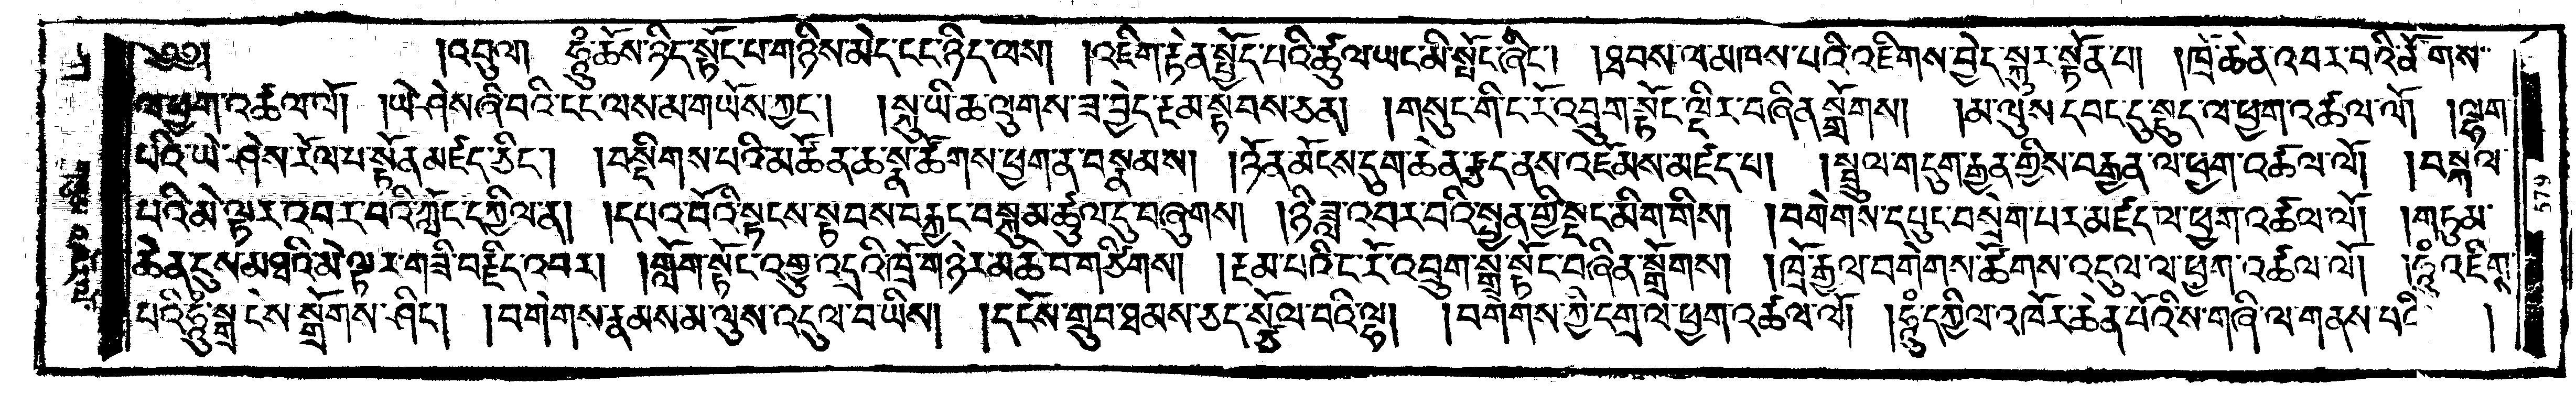༄༅། །འབུལ། ཧཱུཾ་ཆོས་ཉིད་སྟོང་པ་གཉིས་མེད་ངང་ཉིད་ལས། །འཇིག་རྟེན་སྤྱོད་པའི་ཚུལ་ཡང་མི་སྤོང་ཞིང་། །ཐབས་ལ་མཁས་པའི་འཇིགས་བྱེད་སྐུར་སྟོན་པ། །ཁྲོ་ཆེན་འབར་བའི་ཚོགས་
ལ་ཕྱག་འཚལ་ལོ། །ཡེ་ཤེས་ཞི་བའི་ངང་ལས་མ་གཡོས་ཀྱང་། །སྐུ་ཡི་ཆ་ལུགས་ཟ་བྱེད་རྔམ་སྟོབས་ཅན། །གསུང་གི་ང་རོ་འབྲུག་སྟོང་ལྡིར་བཞིན་སྒྲོགས། །མ་ལུས་དབང་དུ་སྡུད་ལ་ཕྱག་འཚལ་ལོ། །ལྷག་
པའི་ཡེ་ཤེས་རོལ་པ་སྟོན་མཛད་ཅིང་། །བསྡིགས་པའི་མཚོན་ཆ་སྣ་ཚོགས་ཕྱག་ན་བསྣམས། །ཉོན་མོངས་དུག་ཆེན་རྩད་ནས་འཛོམས་མཛད་པ། །སྦྲུལ་གདུག་རྒྱན་གྱིས་བརྒྱན་ལ་ཕྱག་འཚལ་ལོ། །བསྐལ་
པའི་མེ་ལྟར་འབར་བའི་ཀློང་དཀྱིལ་ན། །དཔའ་བོའི་སྟངས་སྟབས་བརྐྱང་བསྐུམ་ཚུལ་དུ་བཞུགས། །ཉི་ཟླ་འབར་བའི་སྤྱན་གྱི་སྔང་མིག་གིས། །བགེགས་དཔུང་བསྲེག་པར་མཛད་ལ་ཕྱག་འཚལ་ལོ། །གཏུམ་
ཆེན་དུས་མཐའི་མེ་ལྟར་གཟི་བརྗིད་འབར། །གློག་སྟོང་འགྱུ་འདྲའི་ཁྲོ་གཉེར་མཆི་བ་གཙིགས། །རྔམ་བའི་ང་རོ་འབྲུག་སྒྲ་སྟོང་བཞིན་སྒྲོགས། །ཁྲོ་རྒྱལ་བགེགས་ཚོགས་འདུལ་ལ་ཕྱག་འཚལ་ལོ། །ཧཱུཾ་འཇིགས་
པའི་ཧཱུཾ་སྒྲ་ངེས་སྒྲོགས་ཤིང་། །བགེགས་རྣམས་མ་ལུས་འདུལ་བ་ཡིས། །དངོས་གྲུབ་ཐམས་ཅད་སྩོལ་བའི་ལྷ། །བགེགས་ཀྱི་དགྲ་ལ་ཕྱག་འཚལ་ལོ། །ཧཱུཾ་དཀྱིལ་འཁོར་ཆེན་བོའི་ས་གཞི་ལ་གནས་བའི།